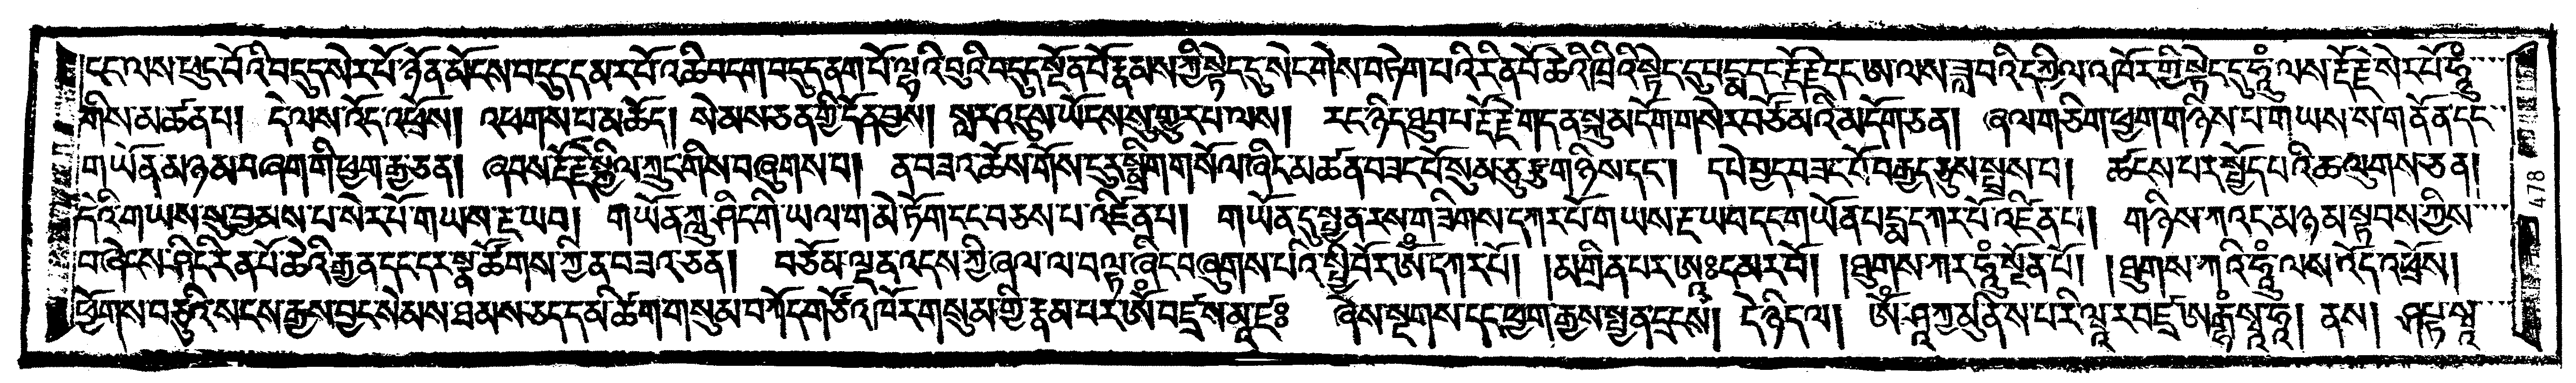ངང་ལས་ཕུང་པོའི་བདུད་སེར་པོ་ཉོན་མོངས་བདུད་དམར་པོ་འཆི་བདག་བདུད་ནག་པོ་ལྷའི་བུའི་བདུད་སྔོན་པོ་རྣམས་ཀྱི་སྟེང་དུ་སེང་གེས་བཏེག་པའི་རིན་པོ་ཆེའི་ཁྲིའི་སྟེང་དུ་པདམ་དང་རྡོ་རྗེ་དང་ཨ་ལས་ཟླ་བའི་དཀྱིལ་འཁོར་གྱི་སྟེང་དུ་ཧཱུཾ་ལས་རྡོ་རྗེ་སེར་པོ་ཧཱུཾ་
གིས་མཚན་པ། དེ་ལས་འོད་འཕྲོས། འཕགས་པ་མཆོད། སེམས་ཅན་གྱི་དོན་བྱས། སླར་འདུས་ཡོངས་སུ་གྱུར་པ་ལས། རང་ཉིད་ཐུབ་པ་རྡོ་རྗེ་གདན་སྐུ་མདོག་གསེར་བཙོ་མའི་མདོག་ཅན། ཞལ་གཅིག་ཕྱག་གཉིས་པ་གཡས་ས་གནོན་དང་
གཡོན་མཉམ་བཞག་གི་ཕྱག་རྒྱ་ཅན། ཞབས་རྡོ་རྗེ་སྐྱིལ་ཀྲུང་གིས་བཞུགས་པ། ན་བཟའ་ཆོས་གོས་ངུར་སྨྲིག་གསོལ་ཞིང་མཚན་བཟང་པོ་སུམ་ཅུ་རྩ་གཉིས་དང་། དཔེ་བྱད་བཟང་པོ་བརྒྱད་ཅུས་སྤྲས་པ། ཚངས་པར་སྤྱོད་པའི་ཆ་ལུགས་ཅན།
དེའི་གཡས་སུ་བྱམས་པ་སེར་པོ་གཡས་རྔ་ཡབ། གཡོན་ཀླུ་ཤིང་གི་ཡལ་ག་མེ་ཏོག་དང་བཅས་པ་འཛིན་པ། གཡོན་དུ་སྤྱན་རས་གཟིགས་དཀར་པོ་གཡས་རྔ་ཡབ་དང་གཡོན་པདམ་དཀར་པོ་འཛིན་པ། གཉིས་ཀའང་མཉམ་སྟབས་ཀྱིས་
བཞེངས་ཤིང་རིན་པོ་ཆེའི་རྒྱན་དང་དར་སྣ་ཚོགས་ཀྱི་ན་བཟའ་ཅན། བཅོམ་ལྡན་འདས་ཀྱི་ཞལ་ལ་བལྟ་ཞིང་བཞུགས་པའི་སྤྱི་བོར་ཨོཾ་དཀར་པོ། །མགྲིན་པར་ཨཱཿདམར་པོ། །ཐུགས་ཀར་ཧཱུཾ་སྔོན་པོ། །ཐུགས་ཀའི་ཧཱུཾ་ལས་འོད་འཕྲོས།
ཕྱོགས་བཅུའི་སངས་རྒྱས་བྱང་སེམས་ཐམས་ཅད་དམ་ཚིག་གསུམ་བཀོད་གཙོ་འཁོར་གསུམ་གྱི་རྣམ་པར་ཨོཾ་བཛྲ་ས་མཱ་ཛཿ ཞེས་སྔགས་དང་ཕྱག་རྒྱས་སྤྱན་དྲངས། དེ་ཉིད་ལ། ཨོཾ་ཤཱཀྱ་མུ་ནི་ས་པ་རི་ཝཱ་ར་བཛྲ་ཨརྒྷཾ་སྭཱཧཱ། ནས། ཤཔྟ་སྭཱ་